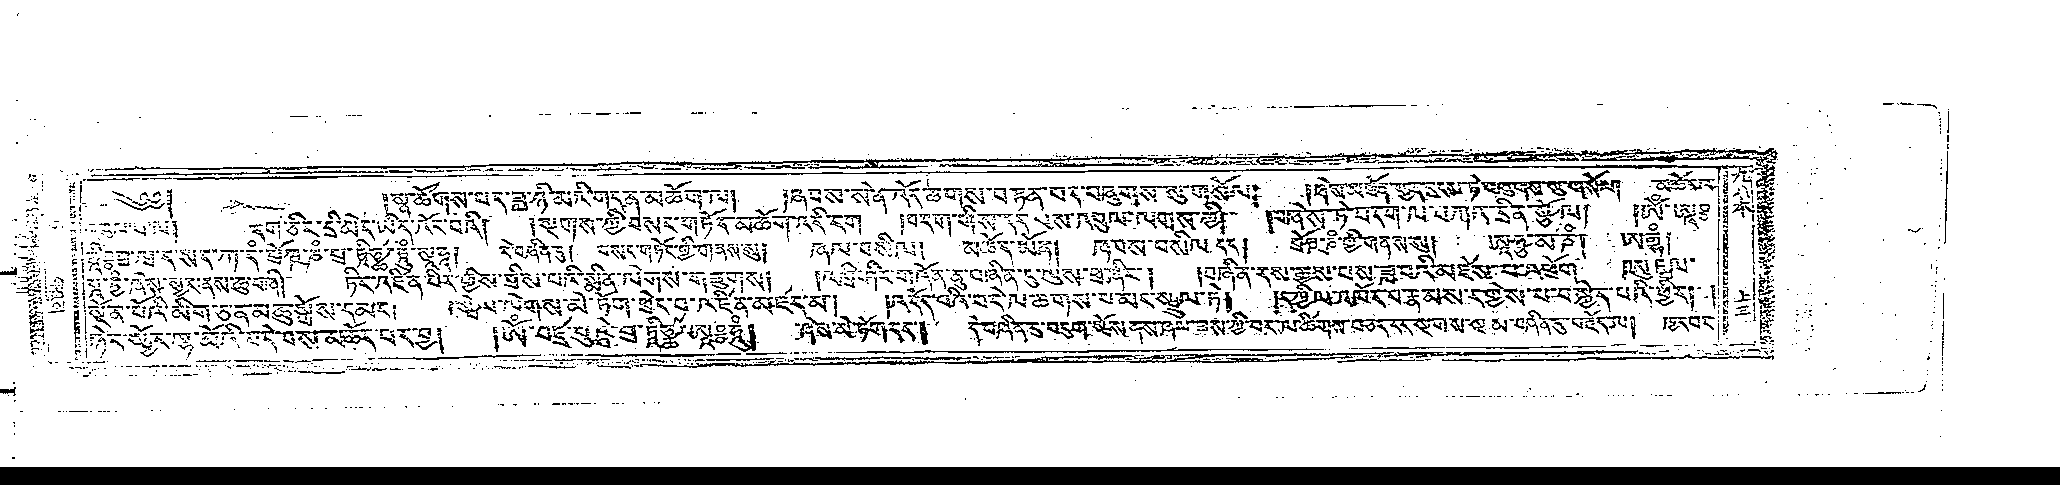༄༅། །སྣ་ཚོགས་པད་ཟླ་ཉི་མའི་གདན་མཆོག་ལ། །ཞབས་སེན་འོད་ཆགས་བརྟན་པར་བཞུགས་སུ་གསོལ། །ཞེས་མགྲོན་སྤྱན་དྲངས་ཏེ་བཞུགས་སུ་གསོལ། མཆོད་པ་
འབུལ་བ་ལ། དག་ཅིང་དྲི་མེད་ཡིད་འོང་བའི། །སྔགས་ཀྱི་བསང་གཏོར་མཆོག་འདི་དག །བདག་གིས་དང་པས་འབུལ་ལགས་ཀྱི། །བཞེས་ཏེ་བདག་ལ་བཀའ་དྲིན་སྩོལ། །ཨོཾ་ཨཱཿ
ཧྲཱིཿ་པྲ་ཝ་ར་སད་ཀ་རཾ་པྲོ་ཀྵ་ཎཾ་པྲ་ཏཱི་ཙྪ་ཧཱུཾ་སྭཱཧཱ། དེ་བཞིན་དུ། བསད་གཏོར་གྱི་གནས་སུ། ཞལ་བསིལ། མཆོད་ཡོན། ཞབས་བསིལ་དང་། པྲོཀྵོ་ཎཾ་གྱི་གནས་སུ། ཨཱཉྩ་མ་ཎཾ། ཨརྒྷཾ།
པཱ་ཏྱཾ་ཞེས་སྦྱར་ནས་ཆུ་བཞི། ཏིང་འཛིན་པར་གྱིས་བྲིས་པའི་སྨིན་ལེགས་གཟུགས། །འཁྲི་ཤིང་གཞོན་ནུ་བཞིན་དུ་ལུས་ཕྲ་ཞིང་། །བཞིན་རས་རྒྱས་པས་ཟླ་བའི་མཛེས་པ་འཕྲོག །ཨུ་ཏྤལ་
སྔོན་པོའི་མིག་ཅན་མཆུ་སྒྲོས་དམར། །སྤེལ་ལེགས་མེ་ཏོག་ཕྲེང་བ་འཛིན་མཛད་མ། །འདོད་པའི་བདེ་ལ་ཆགས་པ་མང་སྦྲུལ་ཏེ། །དཀྱིལ་འཁོར་བ་རྣམས་དགྱེས་པ་བསྐྱེད་པའི་ཕྱིར། །
ཉེར་སྦྱོད་ལྷ་མོའི་བདེ་བས་མཆོད་པར་བྱ། །ཨོཾ་བཛྲ་པུཥྤེ་པྲ་ཏཱི་ཙྪ་ཨཱཿ་ཧཱུཾ། ཞེས་མེ་ཏོག་དང་། དེ་བཞིན་དུ་བདུག་སྦོས་ནས་ཞལ་ཟས་ཀྱི་བར་ལ་ཚིགས་བཅད་དང་སྔགས་སྔ་མ་བཞིན་དུ་བརྗོད་ལ། ཁྱད་པར་